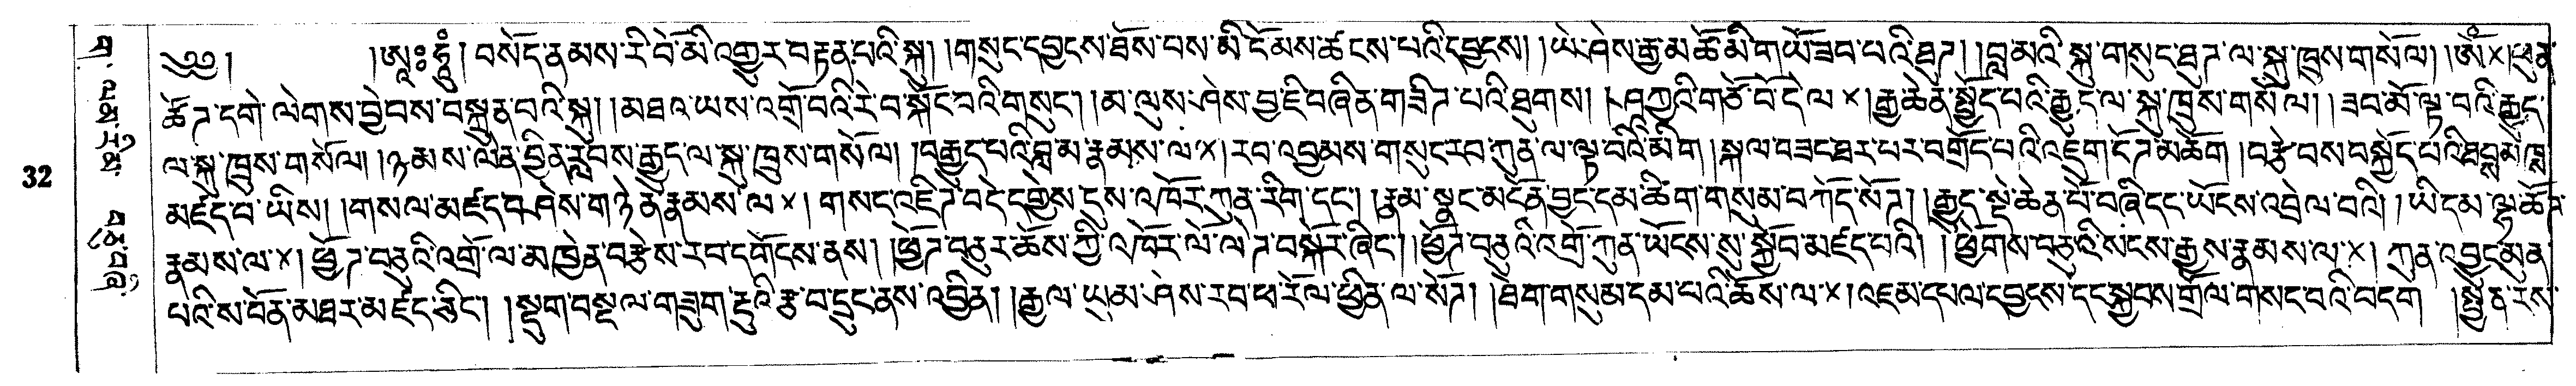༄༅། །ཨཱཿ ཧཱུཾ། བསོད་ནམས་རི་བོ་མི་འགྱུར་བརྟན་པའི་སྐུ། །གསུང་དབྱངས་ཐོས་བས་མི་ངོམས་ཚངས་པའི་དབྱངས། །ཡེ་ཤེས་རྒྱ་མཚོ་མི་གཡོ་ཟབ་པའི་ཐུཌ། །བླ་མའི་སྐུ་གསུངས་ཐུཌ་ལ་སྐུ་ཁྲུས་གསོལ། །ཨོཾ་྾། ཕུན་
ཚོགས་དགེ་ལེགས་བྱེ་བས་བསྐྲུན་པའི་སྐུ། །མཐའ་ཡས་འགྲོ་བའི་རེ་བ་སྐོང་བའི་གསུང་། །མ་ལུས་ཤེས་བྱ་ཇི་བཞིན་གཟིགས་པའི་ཐུགས། །ཤཱཀྱའི་གཙོ་བོ་དེ་ལ་྾། རྒྱ་ཆེན་སྤྱོད་པའི་རྒྱུད་ལ་སྐུ་ཁྲུས་གསོལ། །ཟབ་མོ་ལྟ་བའི་རྒྱུད་
ལ་སྐུ་ཁྲུས་གསོལ། །ཉམས་ལེན་བྱིན་རླབས་རྒྱུད་ལ་སྐུ་ཁྲུས་གསོལ། །བརྒྱུད་པའི་བླ་མ་རྣམས་ལ་྾། རབ་འབྱམས་གསུང་རབ་ཀུན་ལ་ལྟ་བའི་མིག །སྐལ་བཟང་ཐར་པར་བགྲོད་པའི་འཇུག་ངོགས་མཆོག །བརྩེ་བས་བསྐྱོད་པའི་ཐབས་མཁས་
མཛད་པ་ཡིས། །གསལ་མཛད་བཤེས་གཉེན་རྣམས་ལ་྾། གསང་འཇིཌ་བདེ་དགྱེས་དུས་འཁོར་ཀུན་རིག་དང་། །རྣམ་སྣང་མངོན་བྱང་དམ་ཚིག་གསུམ་བཀོད་སོགས། །རྒྱུད་སྡེ་ཆེན་པོ་བཞི་དང་ཡོངས་འབྲེལ་བའི། །ཡི་དམ་ལྷ་ཚོཌ་
རྣམས་ལ་྾། ཕྱོགས་བཅུའི་འགྲོ་ལ་མཁྱེན་བརྩེས་རབ་དགོངས་ནས། །ཕྱོགས་བཅུར་ཆོས་ཀྱི་འཁོར་ལོ་ལེགས་བསྐོར་ཞིང་། །ཕྱོགས་བཅུའི་འགྲོ་ཀུན་ཡོངས་སུ་སྐྱོབ་མཛད་པའི། །ཕྱོགས་བཅུའི་སངས་རྒྱས་རྣམས་ལ་྾། ཀུན་འབྱུང་མུན་
པའི་ས་བོན་མཐར་མཛད་ཅིང་། །སྡུག་བསྔལ་གཟུག་རྡུའི་རྩ་བ་དྲུང་ནས་འབྱིན། །རྒྱལ་ཡུམ་ཤེས་རབ་ཕ་རོལ་ཕྱིན་ལ་སོགས། །ཐེག་གསུམ་དམ་པའི་ཆོས་ལ་྾། འཇམ་དཔལ་དབྱངས་དང་སྐྱབས་གྲོལ་གསང་བའི་བདག །སྤྱན་རས་